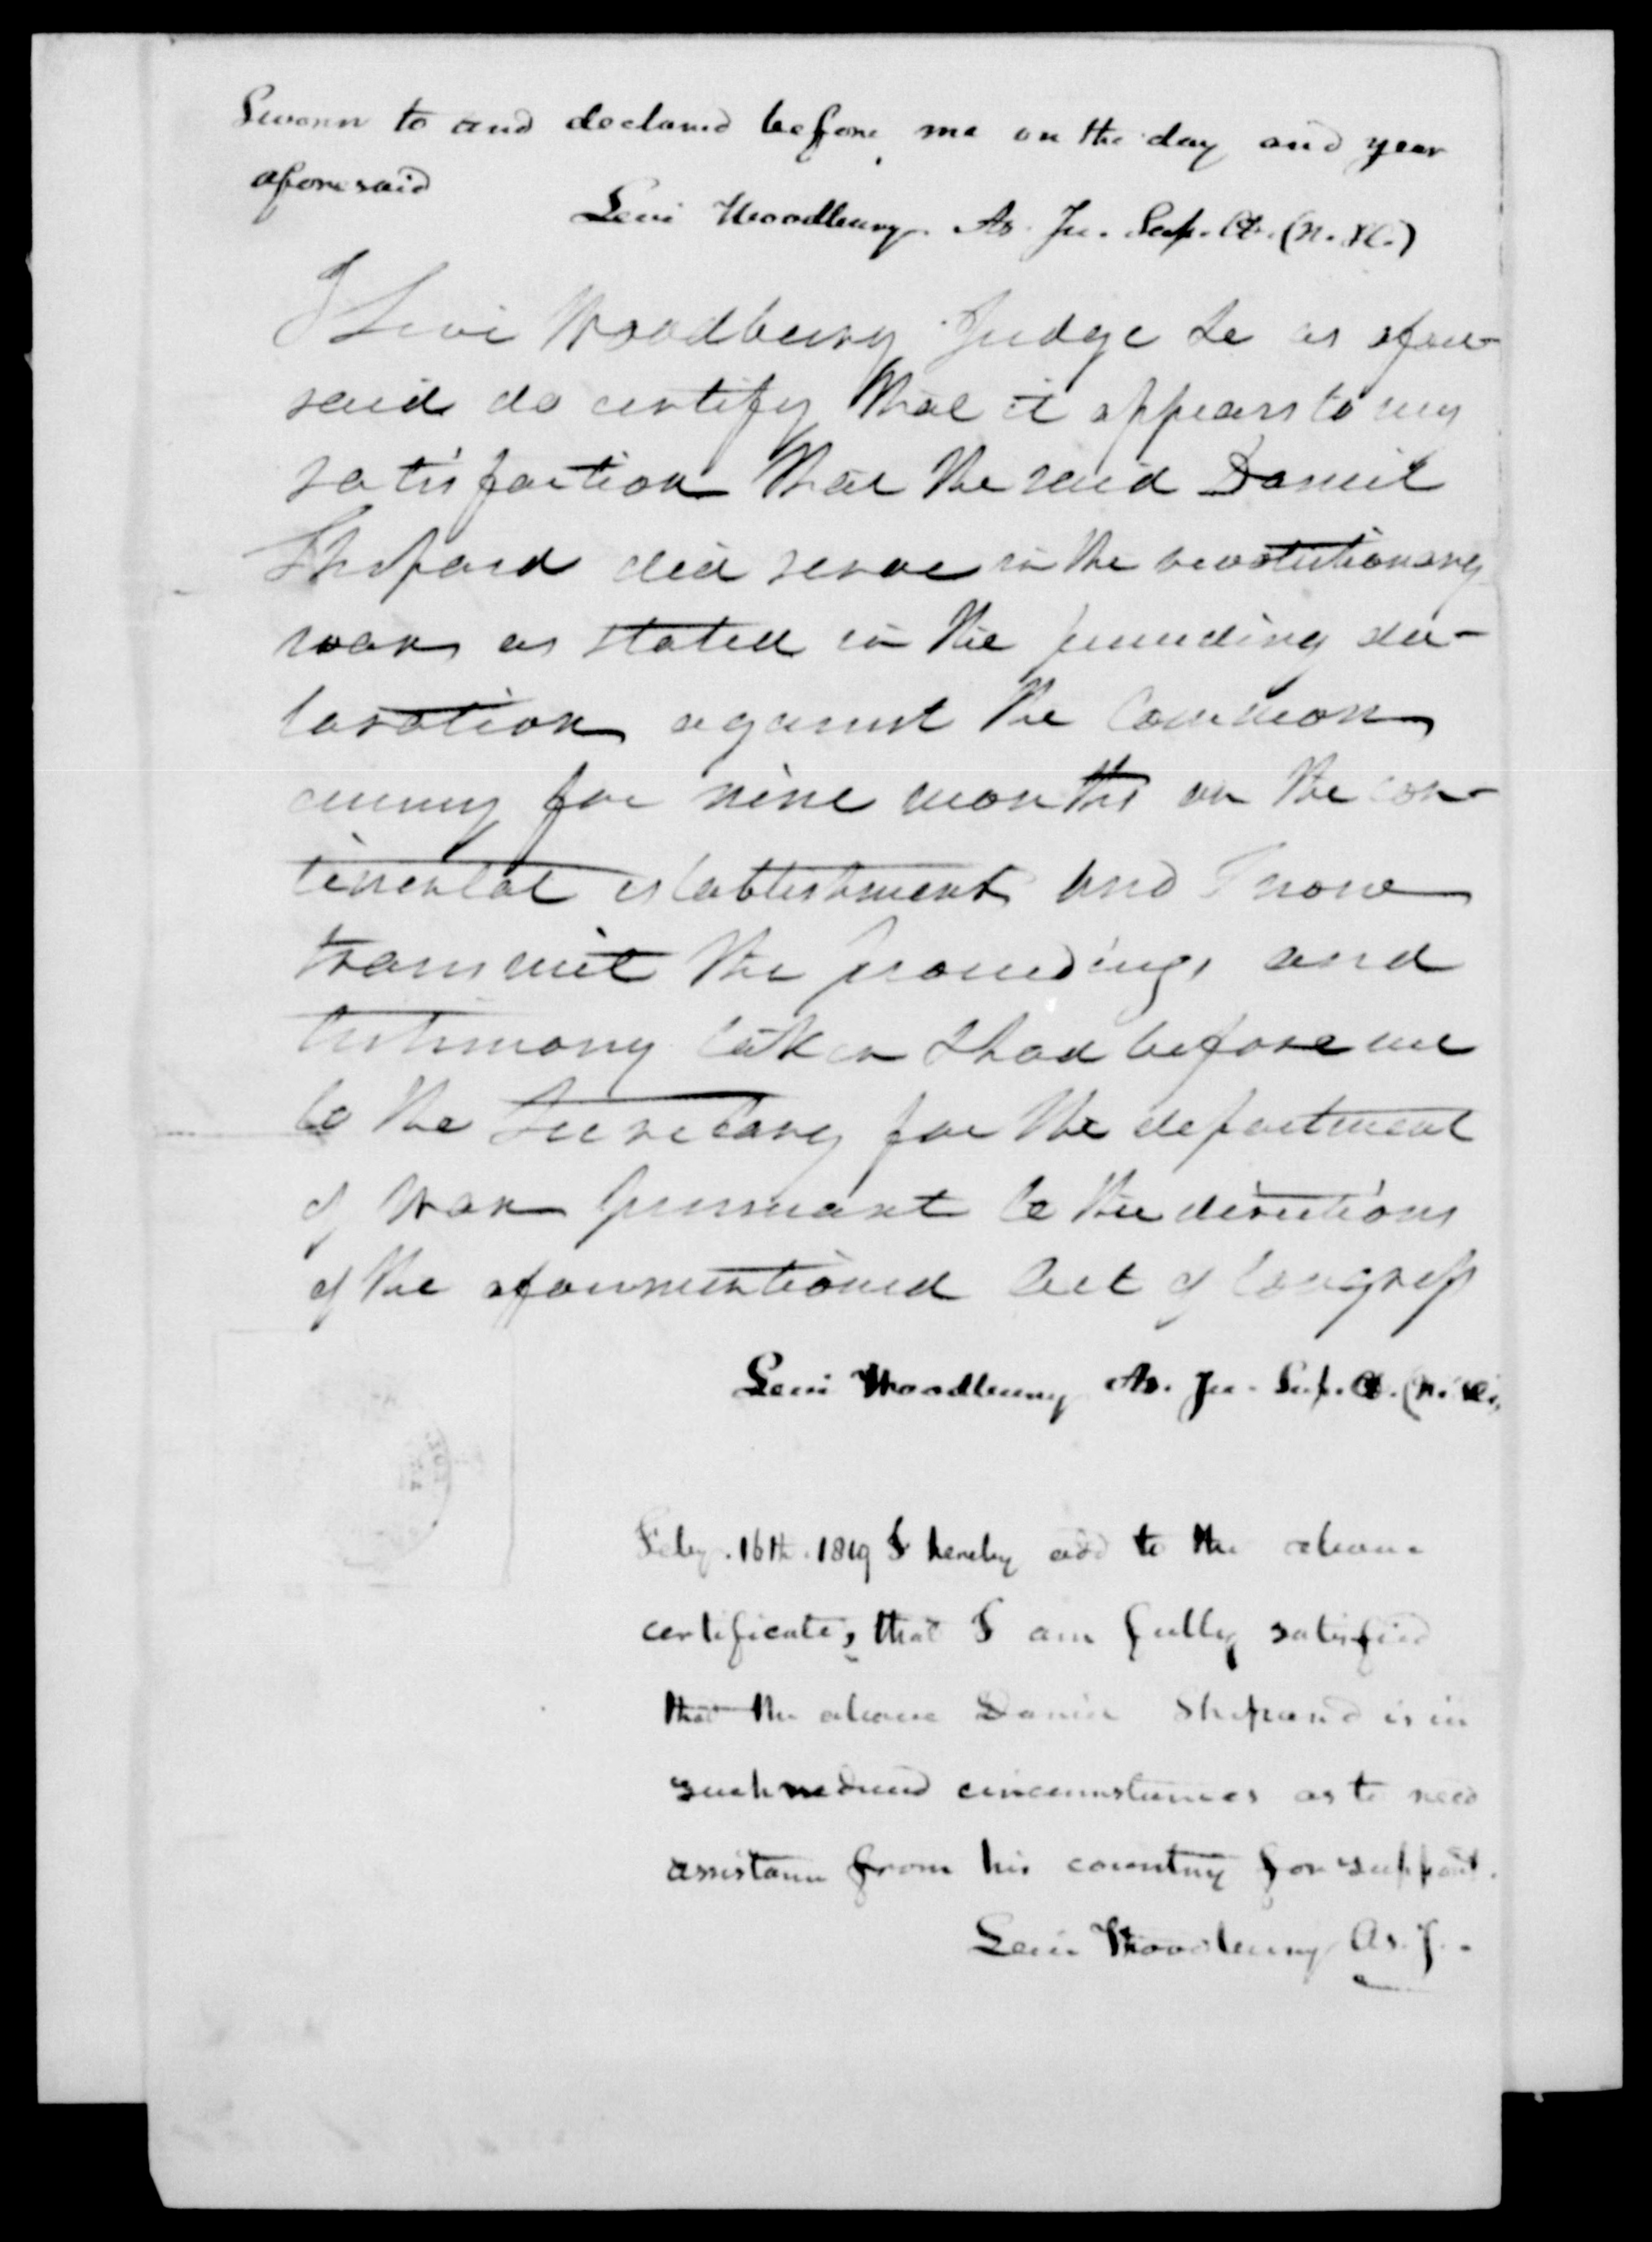Sworn to and declared before me on the day and year aforesaid
[signature] Levi Woodbury As Jus Peace A. (N.H.)

I Levi Woodbury Judge he is  aforesaid do certify that it appears to my
satisfaction that the said Daniel
Shepard did serve in the Revolutionary war as stated in the preceding declaration
against the common enemy
for nine months on the
continental establishment and now
transmit the proceedings and
testimony taken & had before me
to the Secretary for the department
of war pursuant be directions
of the aforementioned act of Congress
[signature] Levi Woodbury A.J. S.C.
Feby 16th 1819 I hereby and to the above
certificate, that I am fully satisfied
that the above Daniel Shepard is in
such reduced circumstances as to need
assistance from his country for support
[signature] Levi Woodbury Ar. J,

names: Levi Woodbury; Daniel Shepard; Levi Woodbury; Levi Woodbury; Daniel Shepard; Levi Woodbury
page: 6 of 25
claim: survivor's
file: S. 43137, for Daniel Shepard, New Hampshire